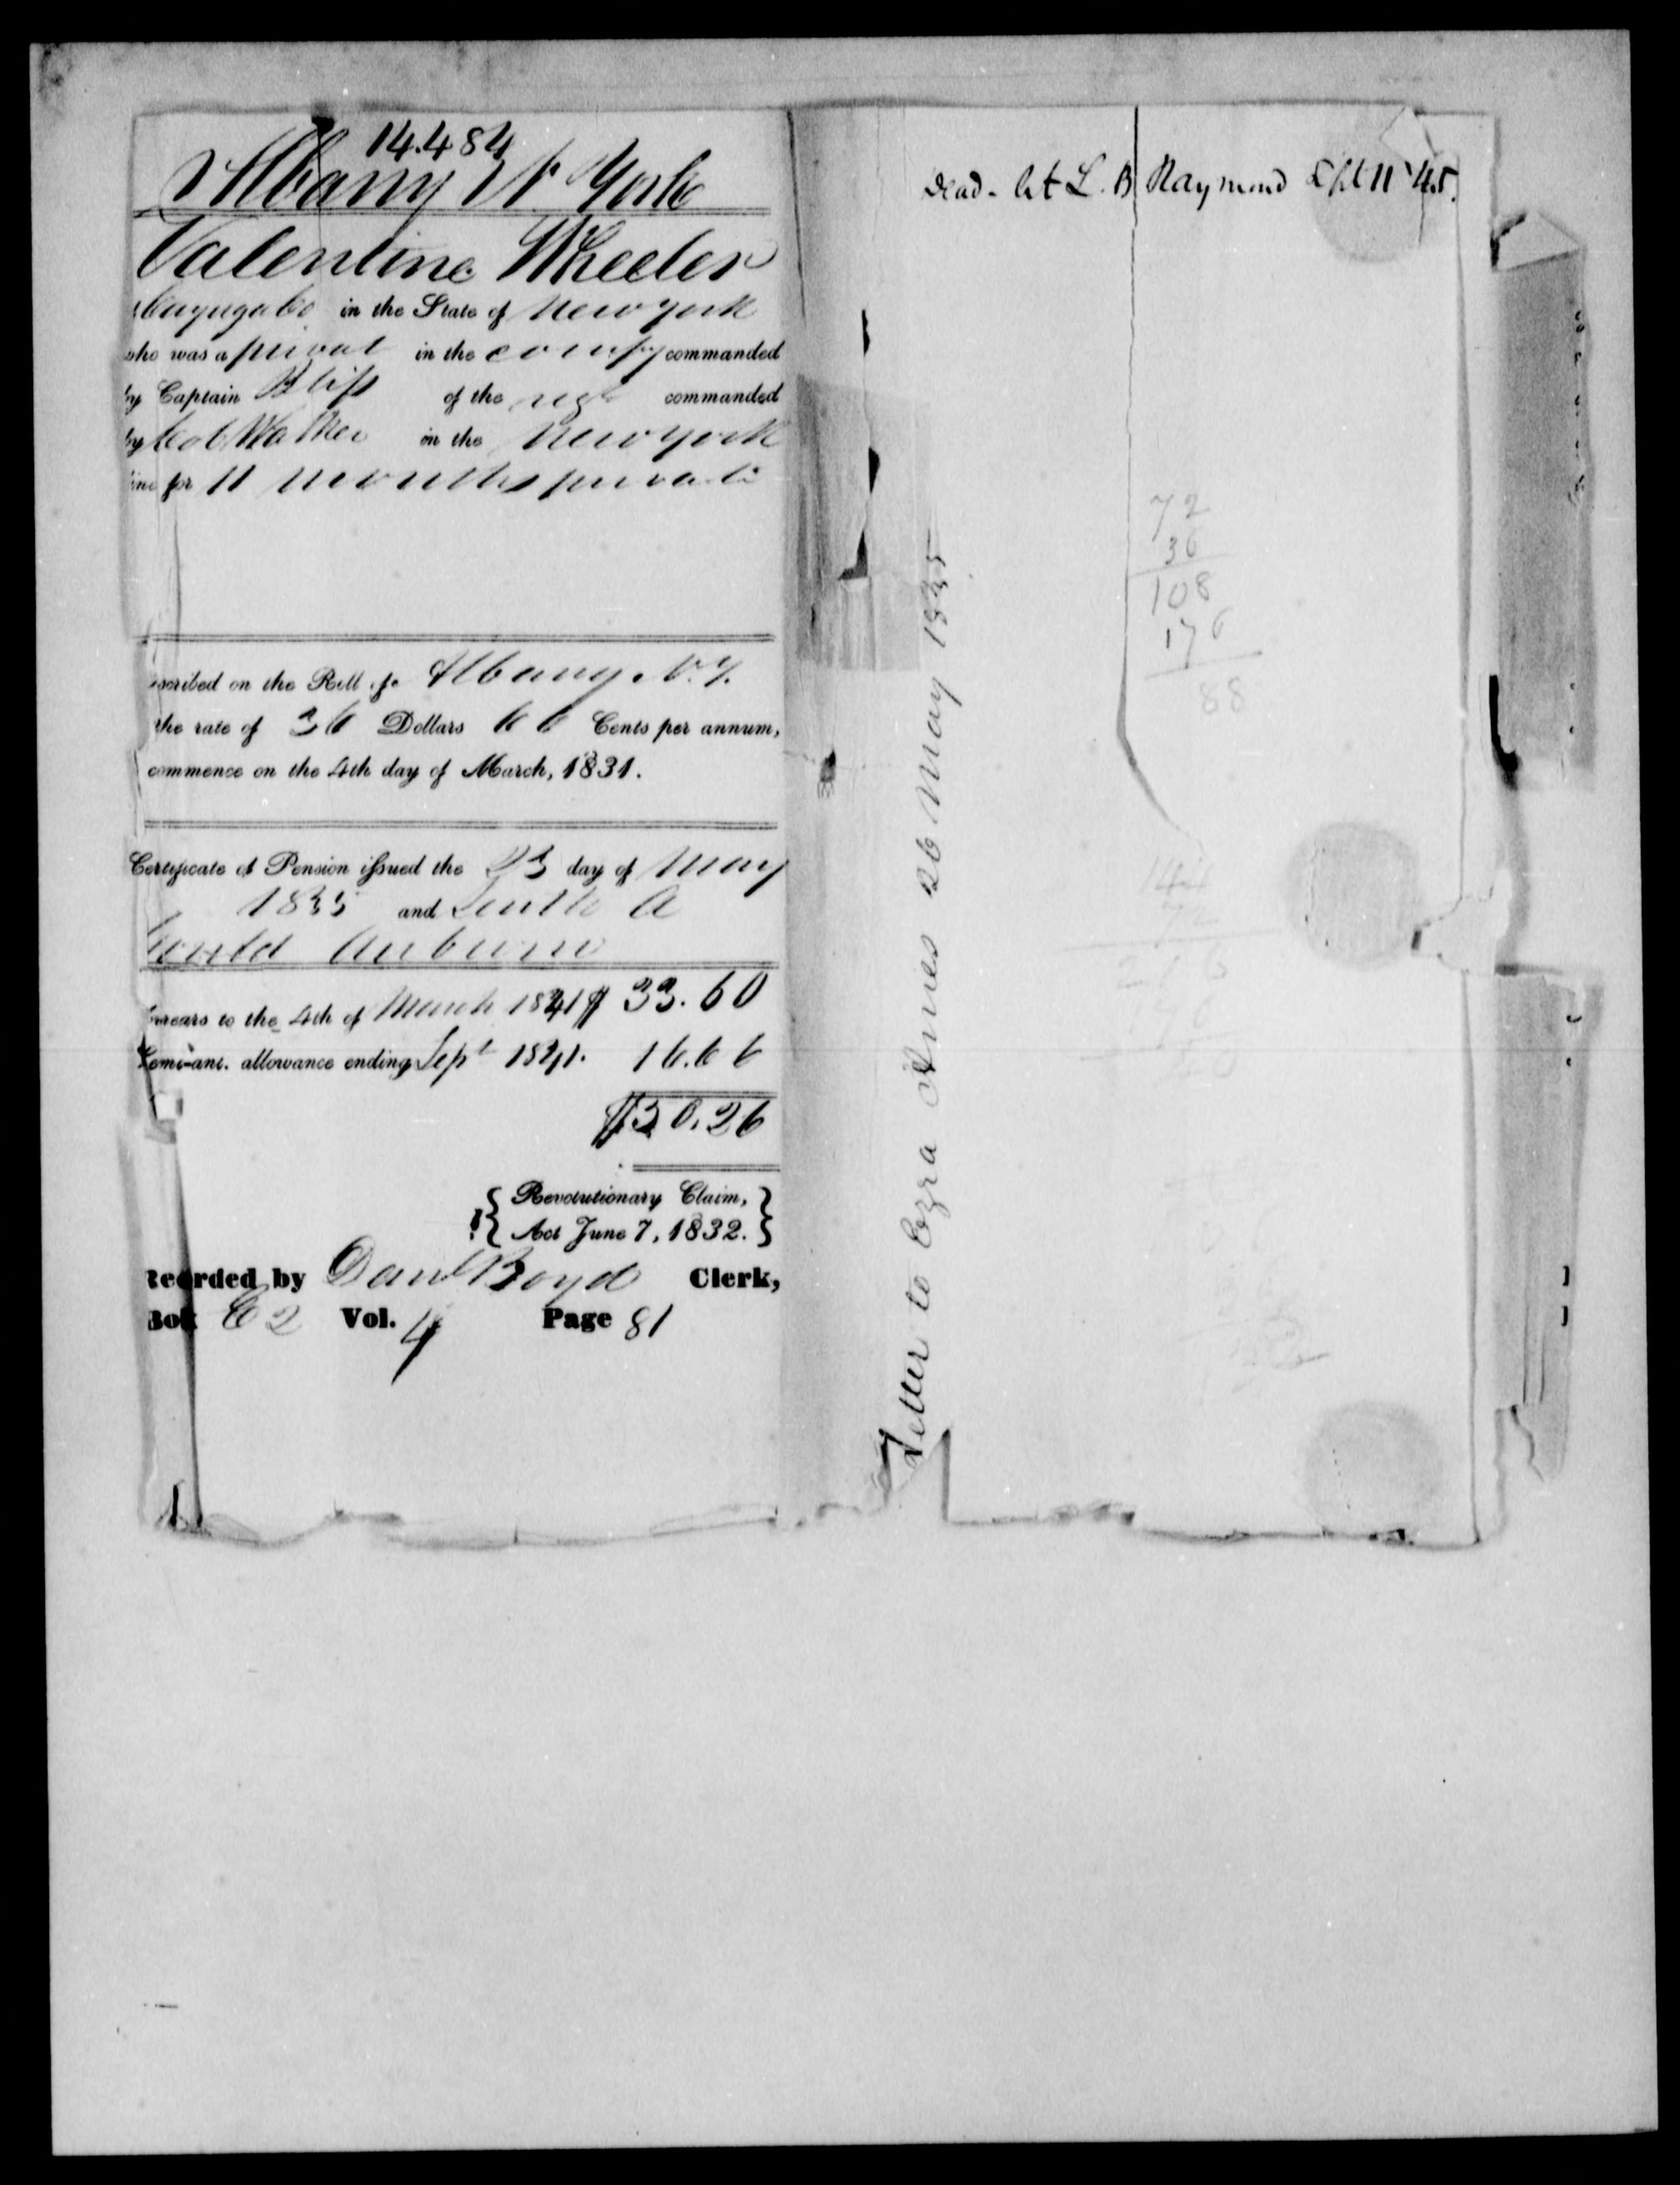14.484
Albany, N. York
Valentine Wheeler
Cayuga Co. in the State of New York
who was a private in the compy. commanded by Captain Bliss of the regt. commanded by Col. Walker in the New York line for 11 months private

Inscribed on the roll of Albany N. Y. at the rate of 36.00 Dollars 66 Cents per annum, commence on the 4th day of March 1831

Certificate of Pension issued the 23 day of May 1835 and sent to A. Gould, Auburn

Arrears to the 4th of March 1841 $33.60
Semi anl. allowance ending Sept. 1841   16.66
$50.26

{Revolutionary Claim
Act June 7, 1832}
Recorded by Danl. Boyd, Clerk
Book E2 Vol. 4, Page 81

Letter to Ezra Ames 26 May 1835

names: A Gould, Valentine Wheeler, Walker, Bliss, Danl Boyd, Ezra Ames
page: 2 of 98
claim: widow's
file: W. 1682, Valentine Wheeler, Mass.